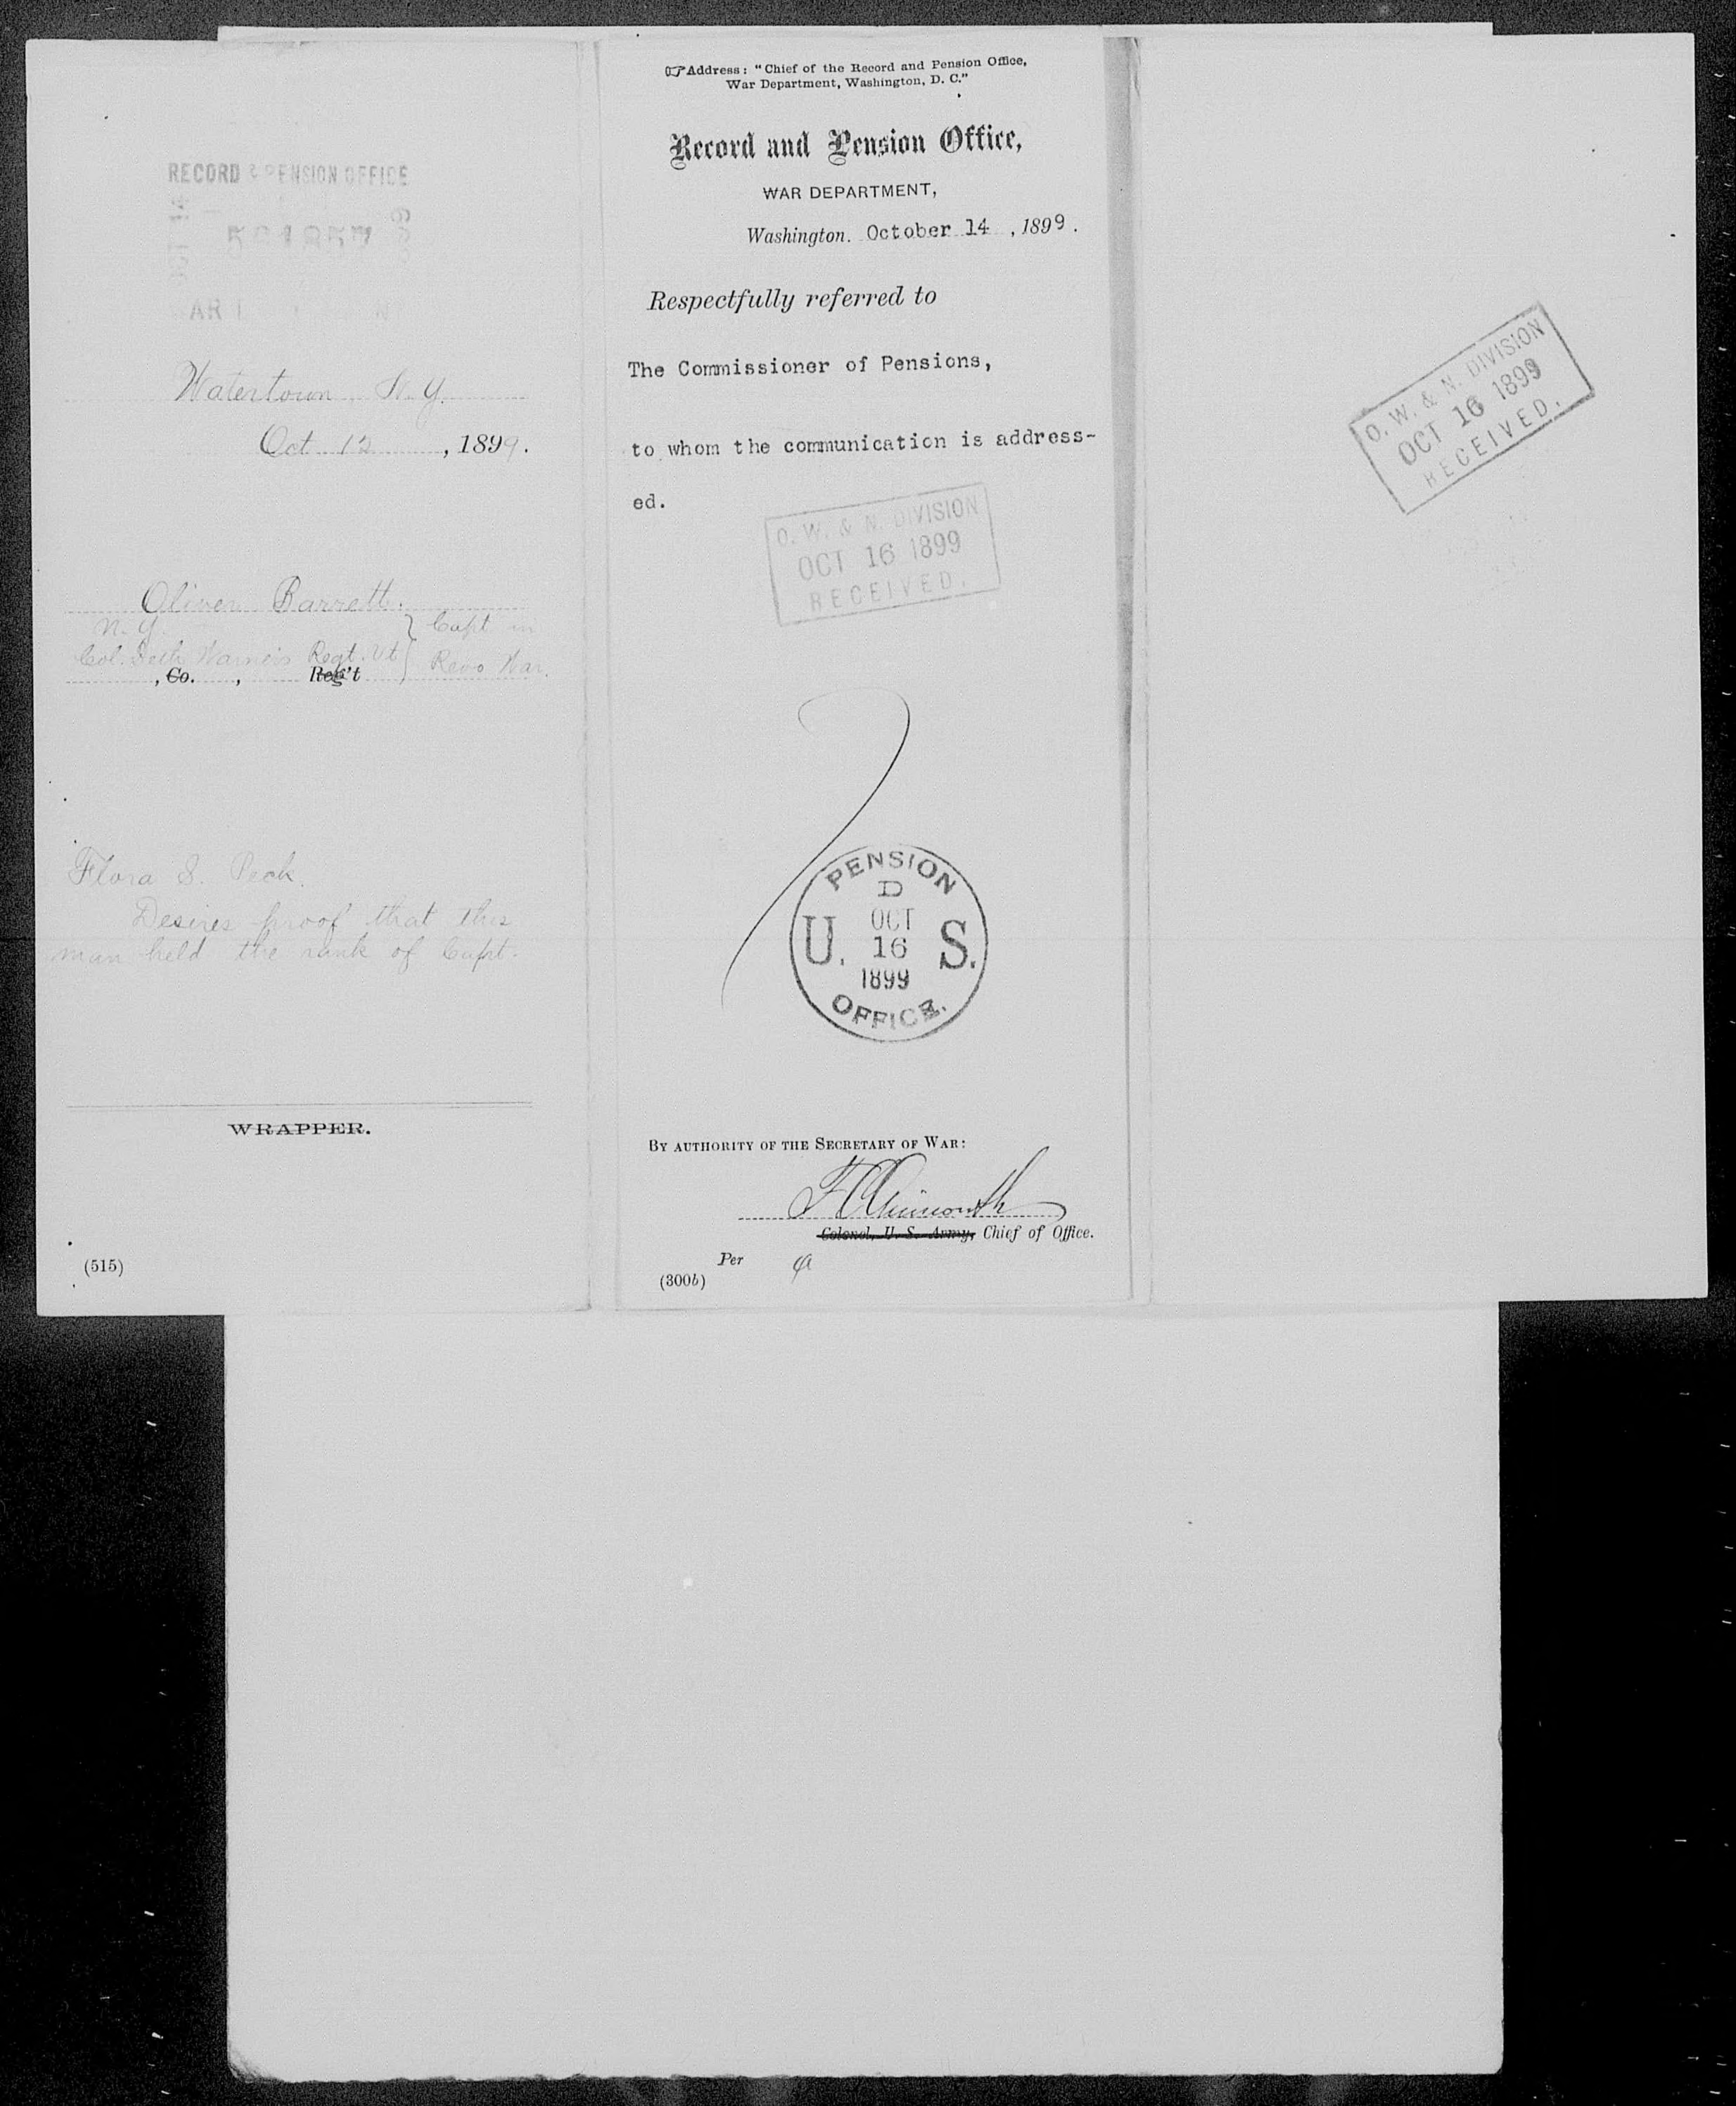Record pension Office
561857

Watertown, N.Y. 
Oct 12 1899

Oliver Barrett
NY
Col. Seth Warner's Regt VT
Capt in Revo War 

Address: "Chief of the Record and Pension Office, War Department, Washington, D.C."

Record and Pension Office, 
War Department, 
Washington. October 14, 1899

Respectfully referred to 

The Commissioner of Pensions, 

to whom the communication is addressed. 

O.W. & N. Division 
OCT 16 1899
Received 

Pension 
Office
US
D 
Oct 16 1899

By authority of the Secretary of War:
f Chinworth
Chief of Office
Per a 
(300b) 

O.W.&N. Division
Oct 16 1899
Received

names: Seth Warner, F Chinworth, Oliver Barrett, Flora S Peck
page: 67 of 83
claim: widow's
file: W. 10,384, Oliver Barrett, Continental (Vt.) N.Y.